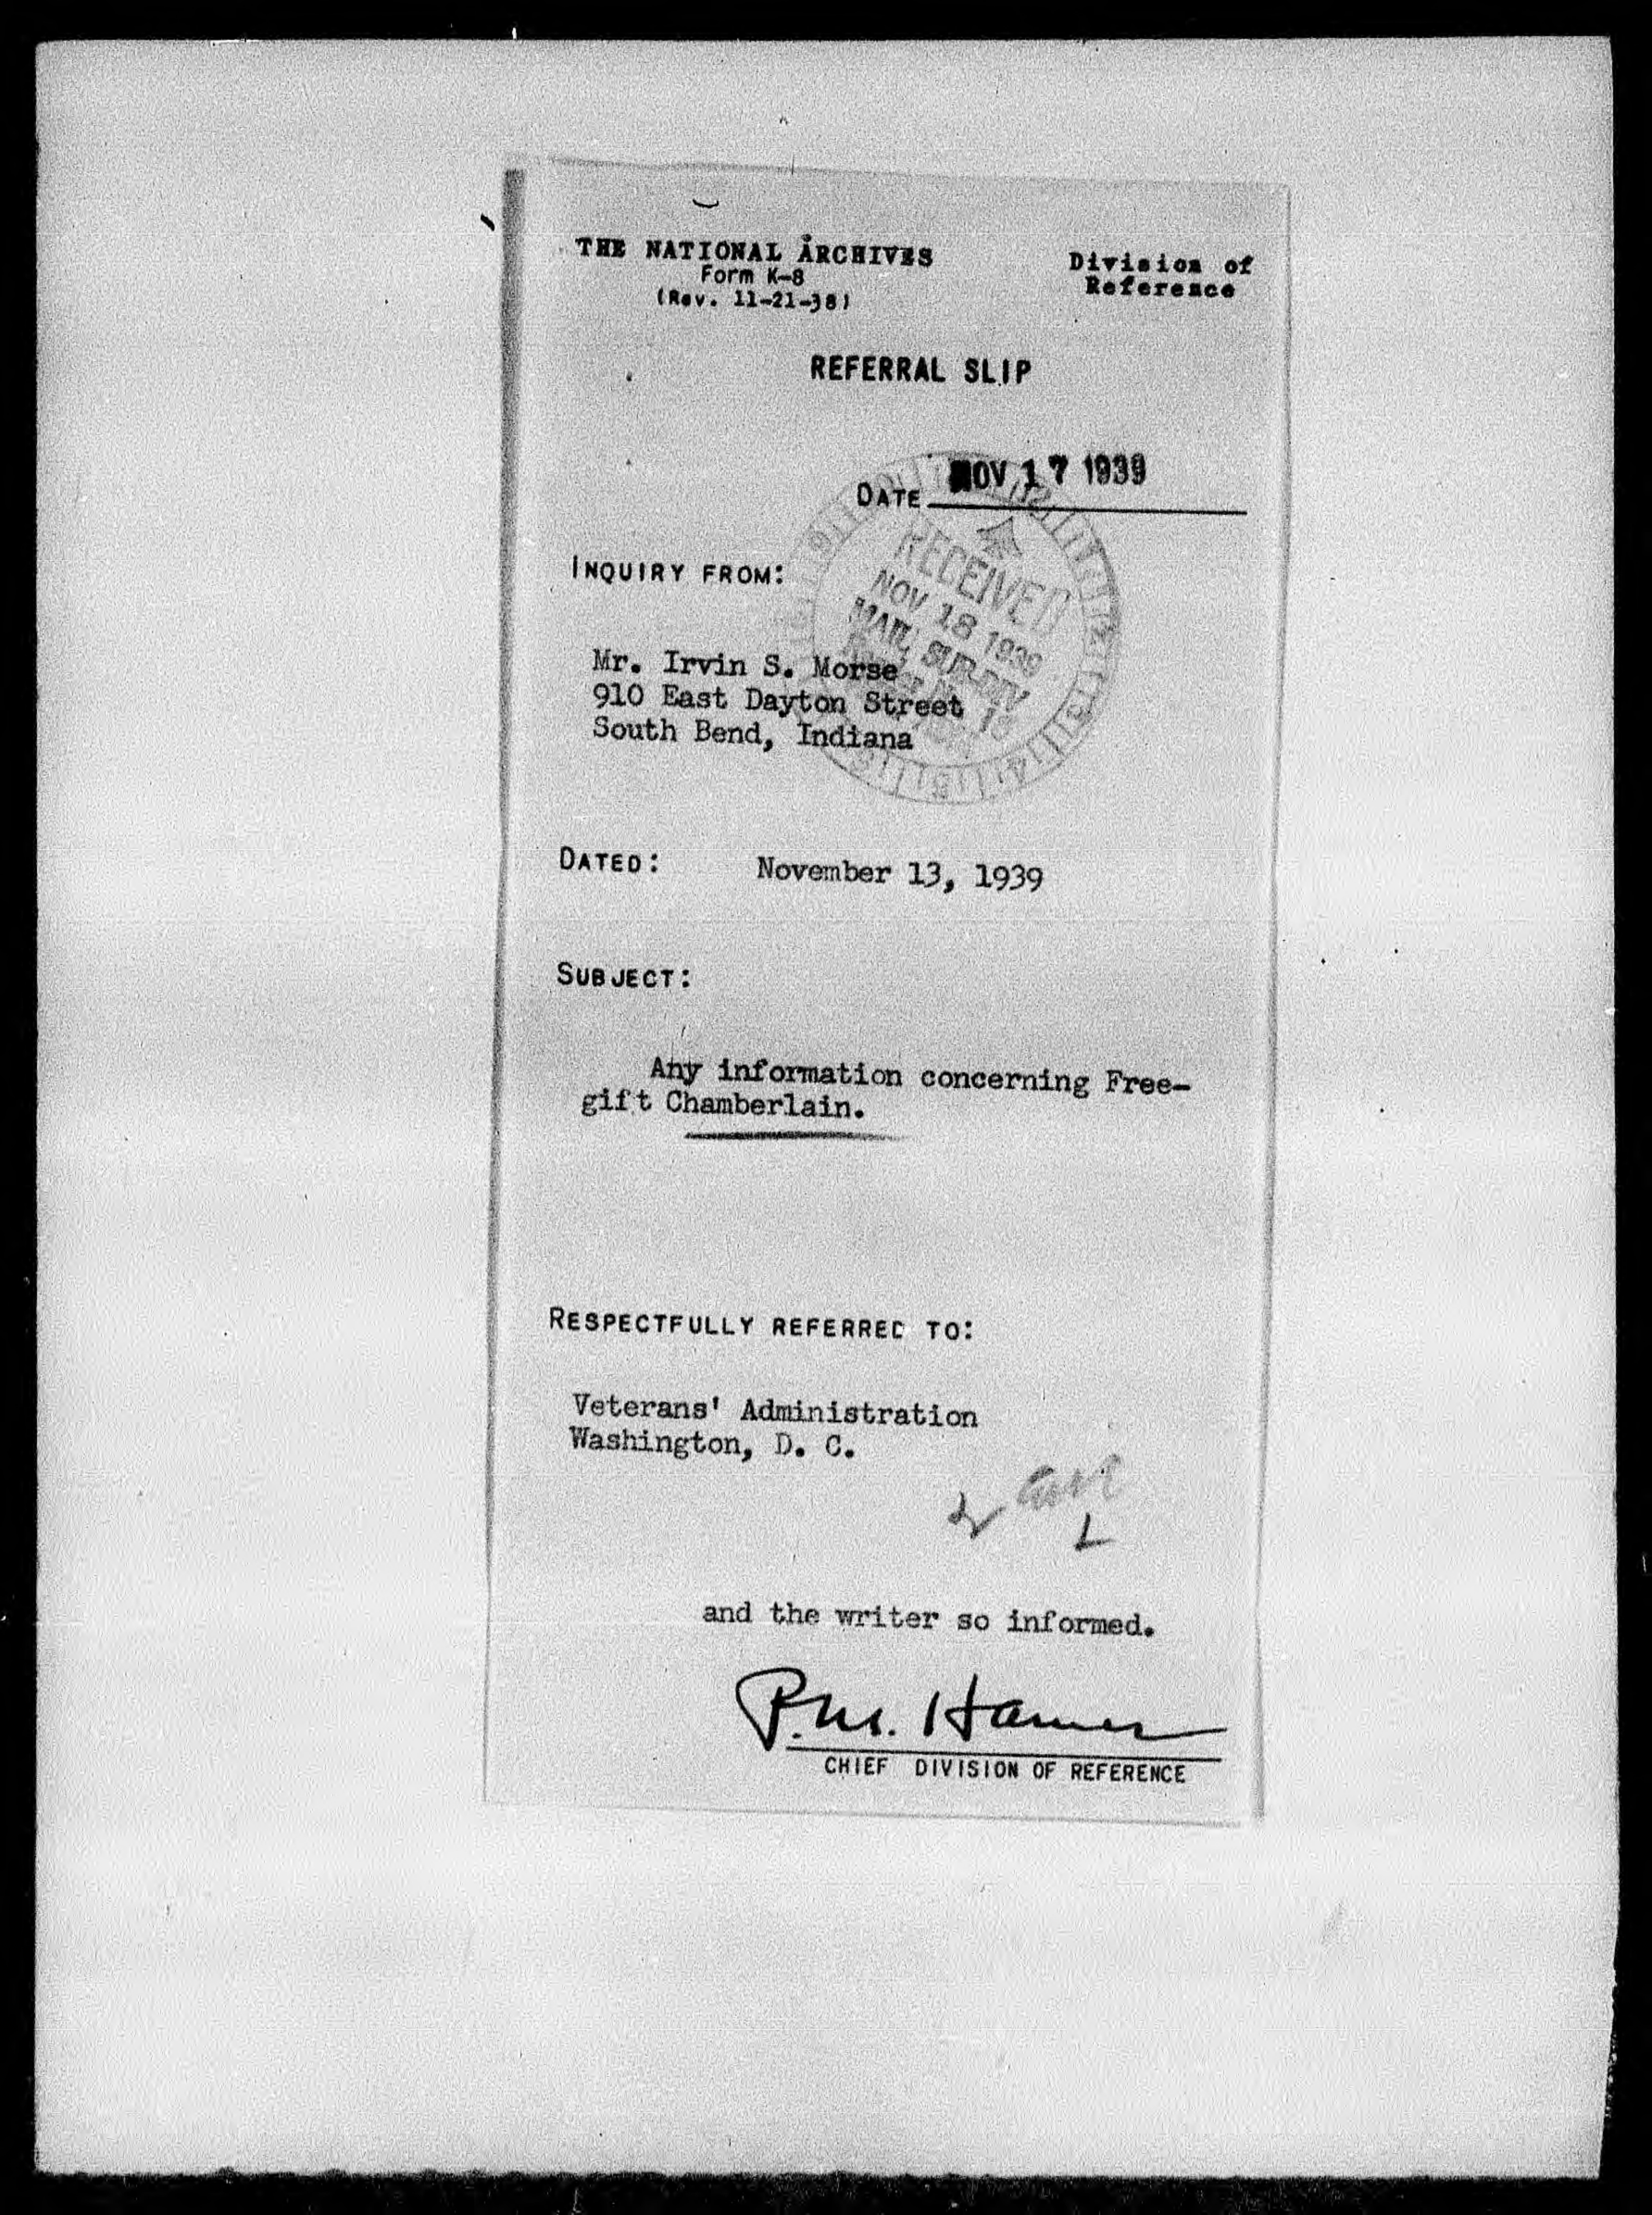NATIONAL ARCHIVES 
Form K-8
(Rev.  11-21-38)
Division of Reference   
REFERRAL SLIP
DATE NOV 17 1939
RECEIVED NOV 18 1939 MAIL SUB-DIV Reader No. 16 VETS ADM
INQUIRY FROM 
Mr. Irvin S. Morse   
910 East Dayton Street
South Bend, Indiana
DATED November 13, 1939
SUBJECT: 
Any information concerning Freegift Chamberlain.  
RESPECTFULLY REFERRED TO: 
Veterans' Administration  
Washington, D. C. A
and the writer so informed. 
2 esc  
P.M. Hamer 
CHIEF DIVISION OF REFERENCE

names: P M Hamer, Irvin S Morse, Freegift Chamberlain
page: 12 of 18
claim: survivor's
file: S. 3151, Freegift Chamberlain, Penn.